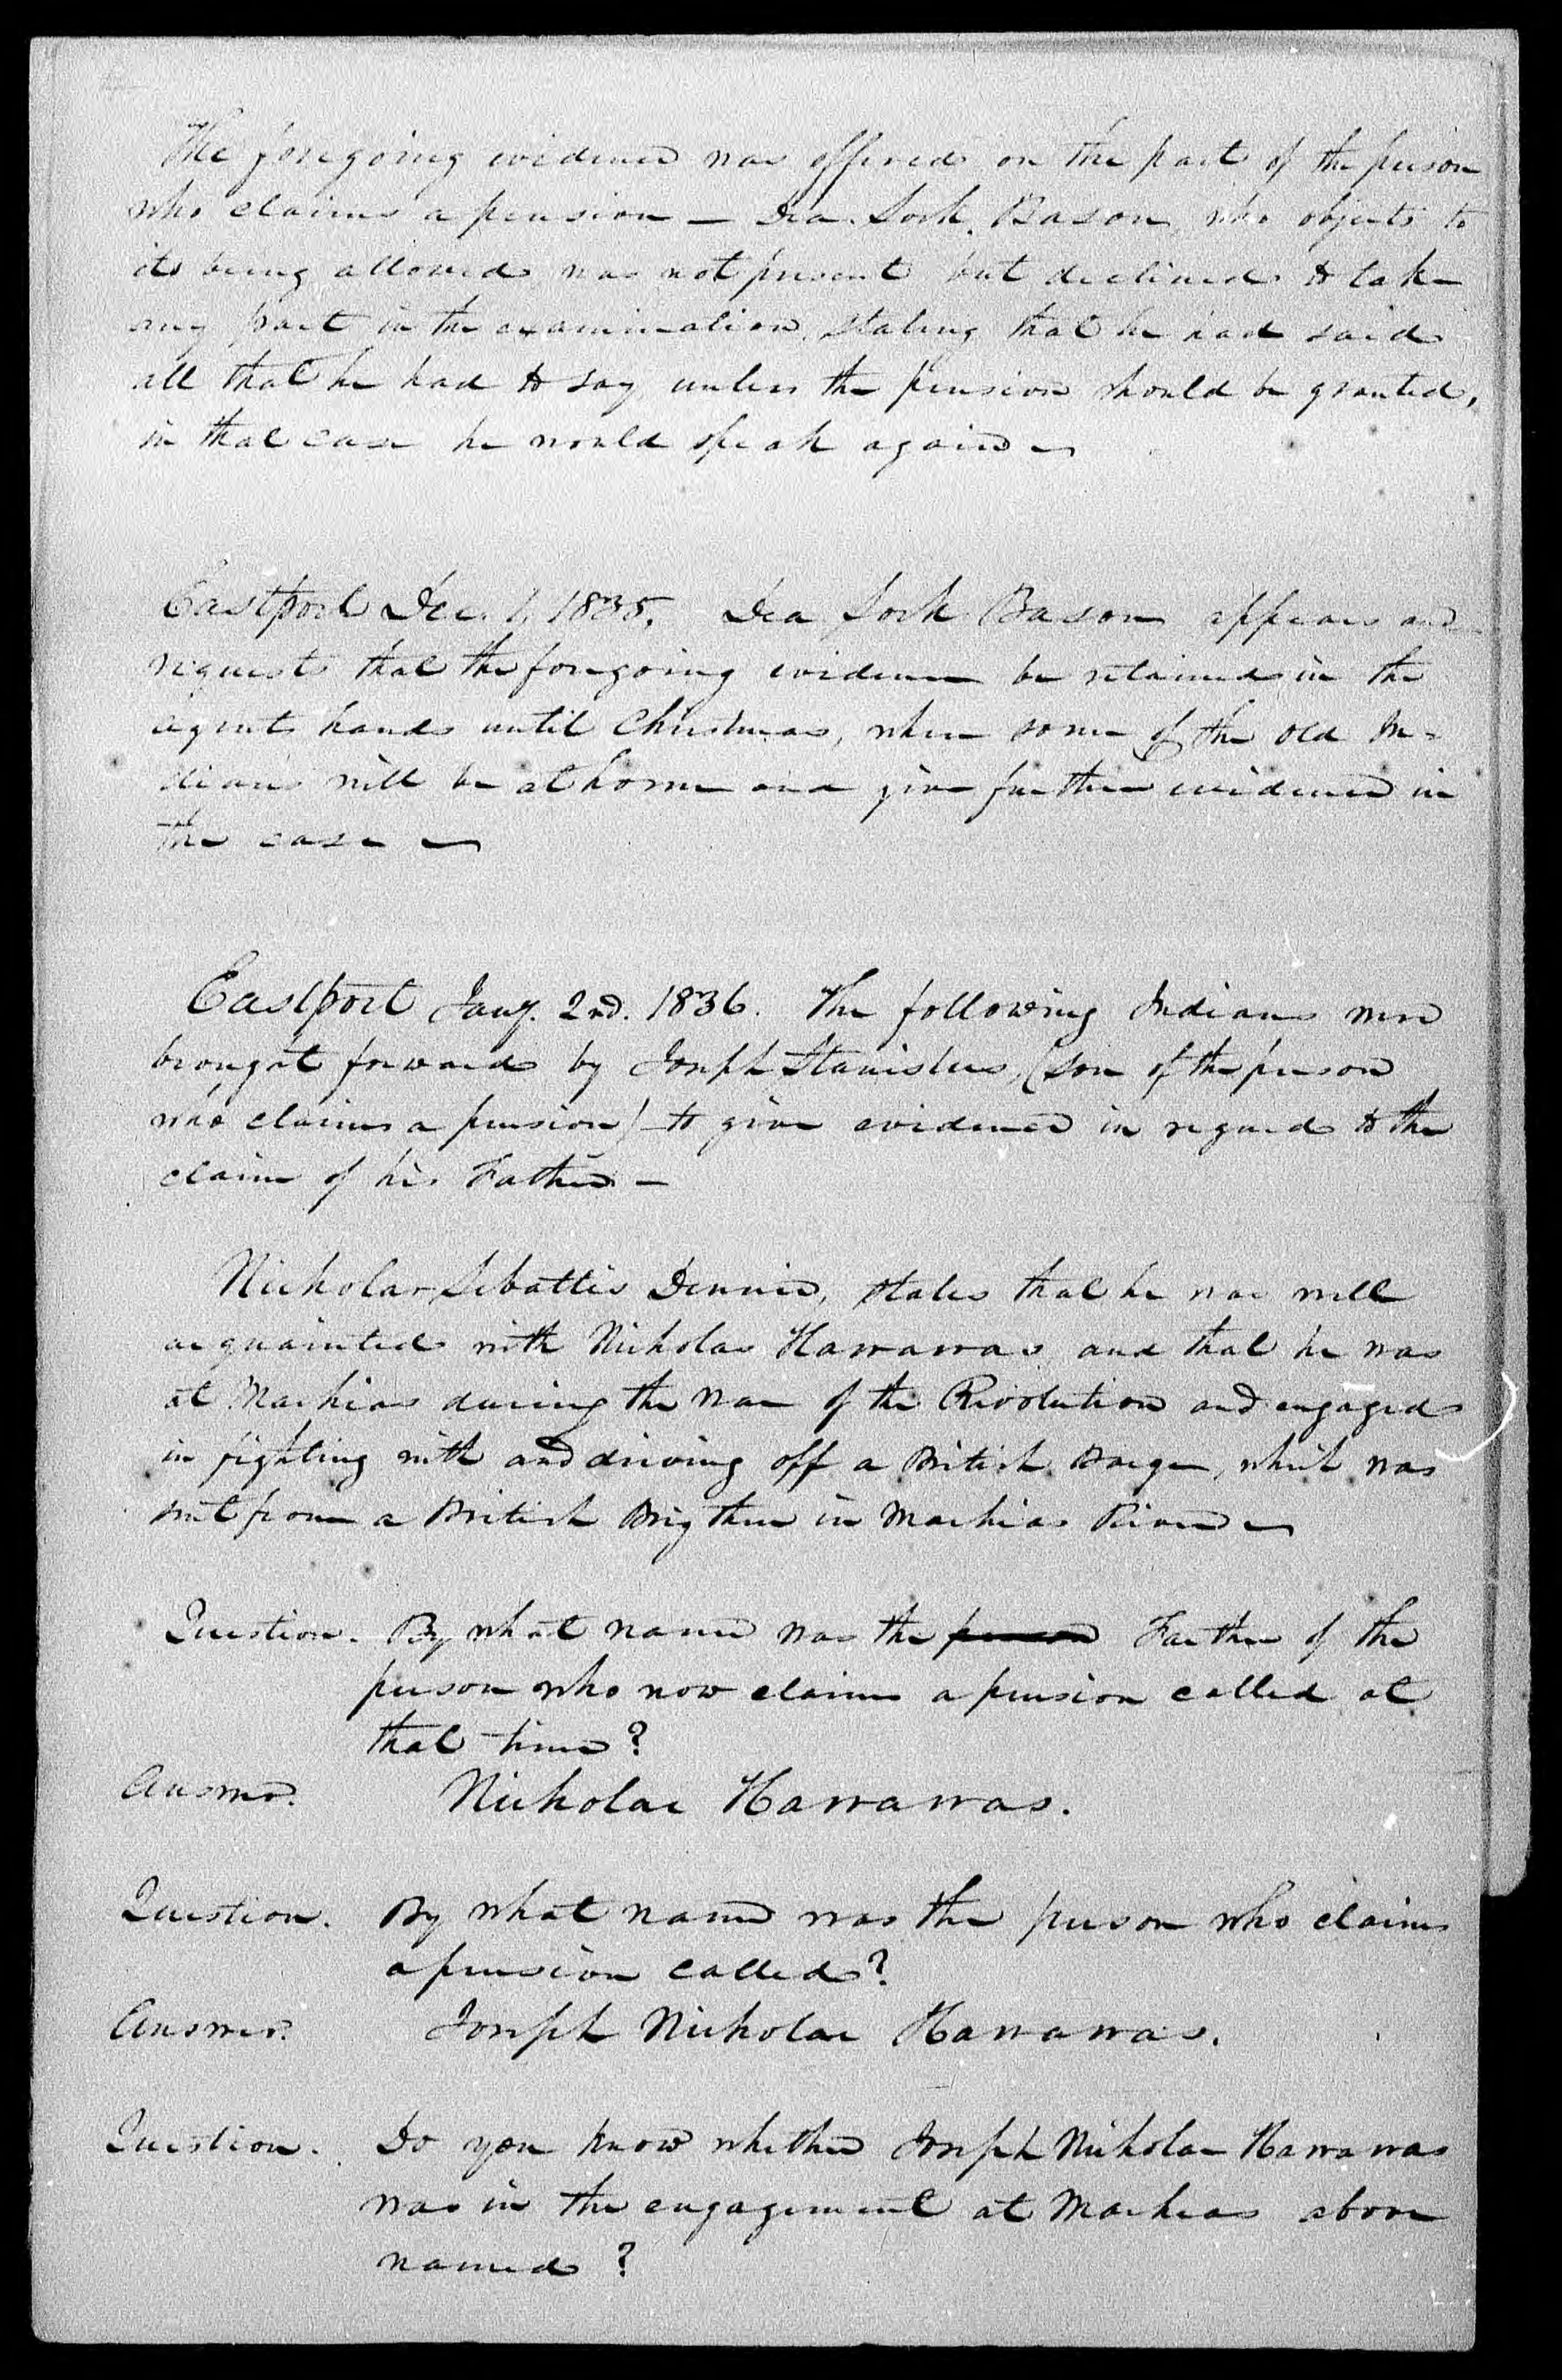The foregoing evidence now offered on the part of the person who claims a pension - [?] Sock Bason, who objects to its being allowed was not present but declined to take any part in the examination, stating that he had said all that he had to say, unless the pension should be granted, in that case he would speak again -

Eastport Dec. 1, 1835, [?] Sock Bason appears and requests that the foregoing evidence be retained in the agents hands until Christmas, when some of the old [?] will be at home and give further evidence in the case -

Eastport Jany. 2nd. 1836. The following Indian man brought forwards by Joseph Stanislas, (son of the person who claims a pension) to give evidence in regards to the claim of his Father -

Nicholas Sebattis Dennis, states that he was well acquainted with Nicholas Hawawas and that he was at Machias during the war of the Revolution and engaged in fighting with and driving off a British [Dragoon], which was sent from a British [Brigantine] in Machias [?] =

Question. By what name was the father of the person who now claims a pension called at that time?
Answer. Nicholas Hawawas
Question. By what name was the person who claims a pension called?
Answer. Joseph Nicholas Hawawas.
Question. Do you know whether Joseph Nicholas Hawawas was in the engagement at Machias [?] named?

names: Nicholas Hawawas, Sock Bason, Joseph Stanislas, Nicholas Hawawas, Joseph Nicholas Hawawas, Joseph Nicholas Hawawas, Nicholas Sebattis Dennie, Sock Bason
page: 13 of 52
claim: survivor's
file: S 17997, Nicholas Hawwawas, Mass.